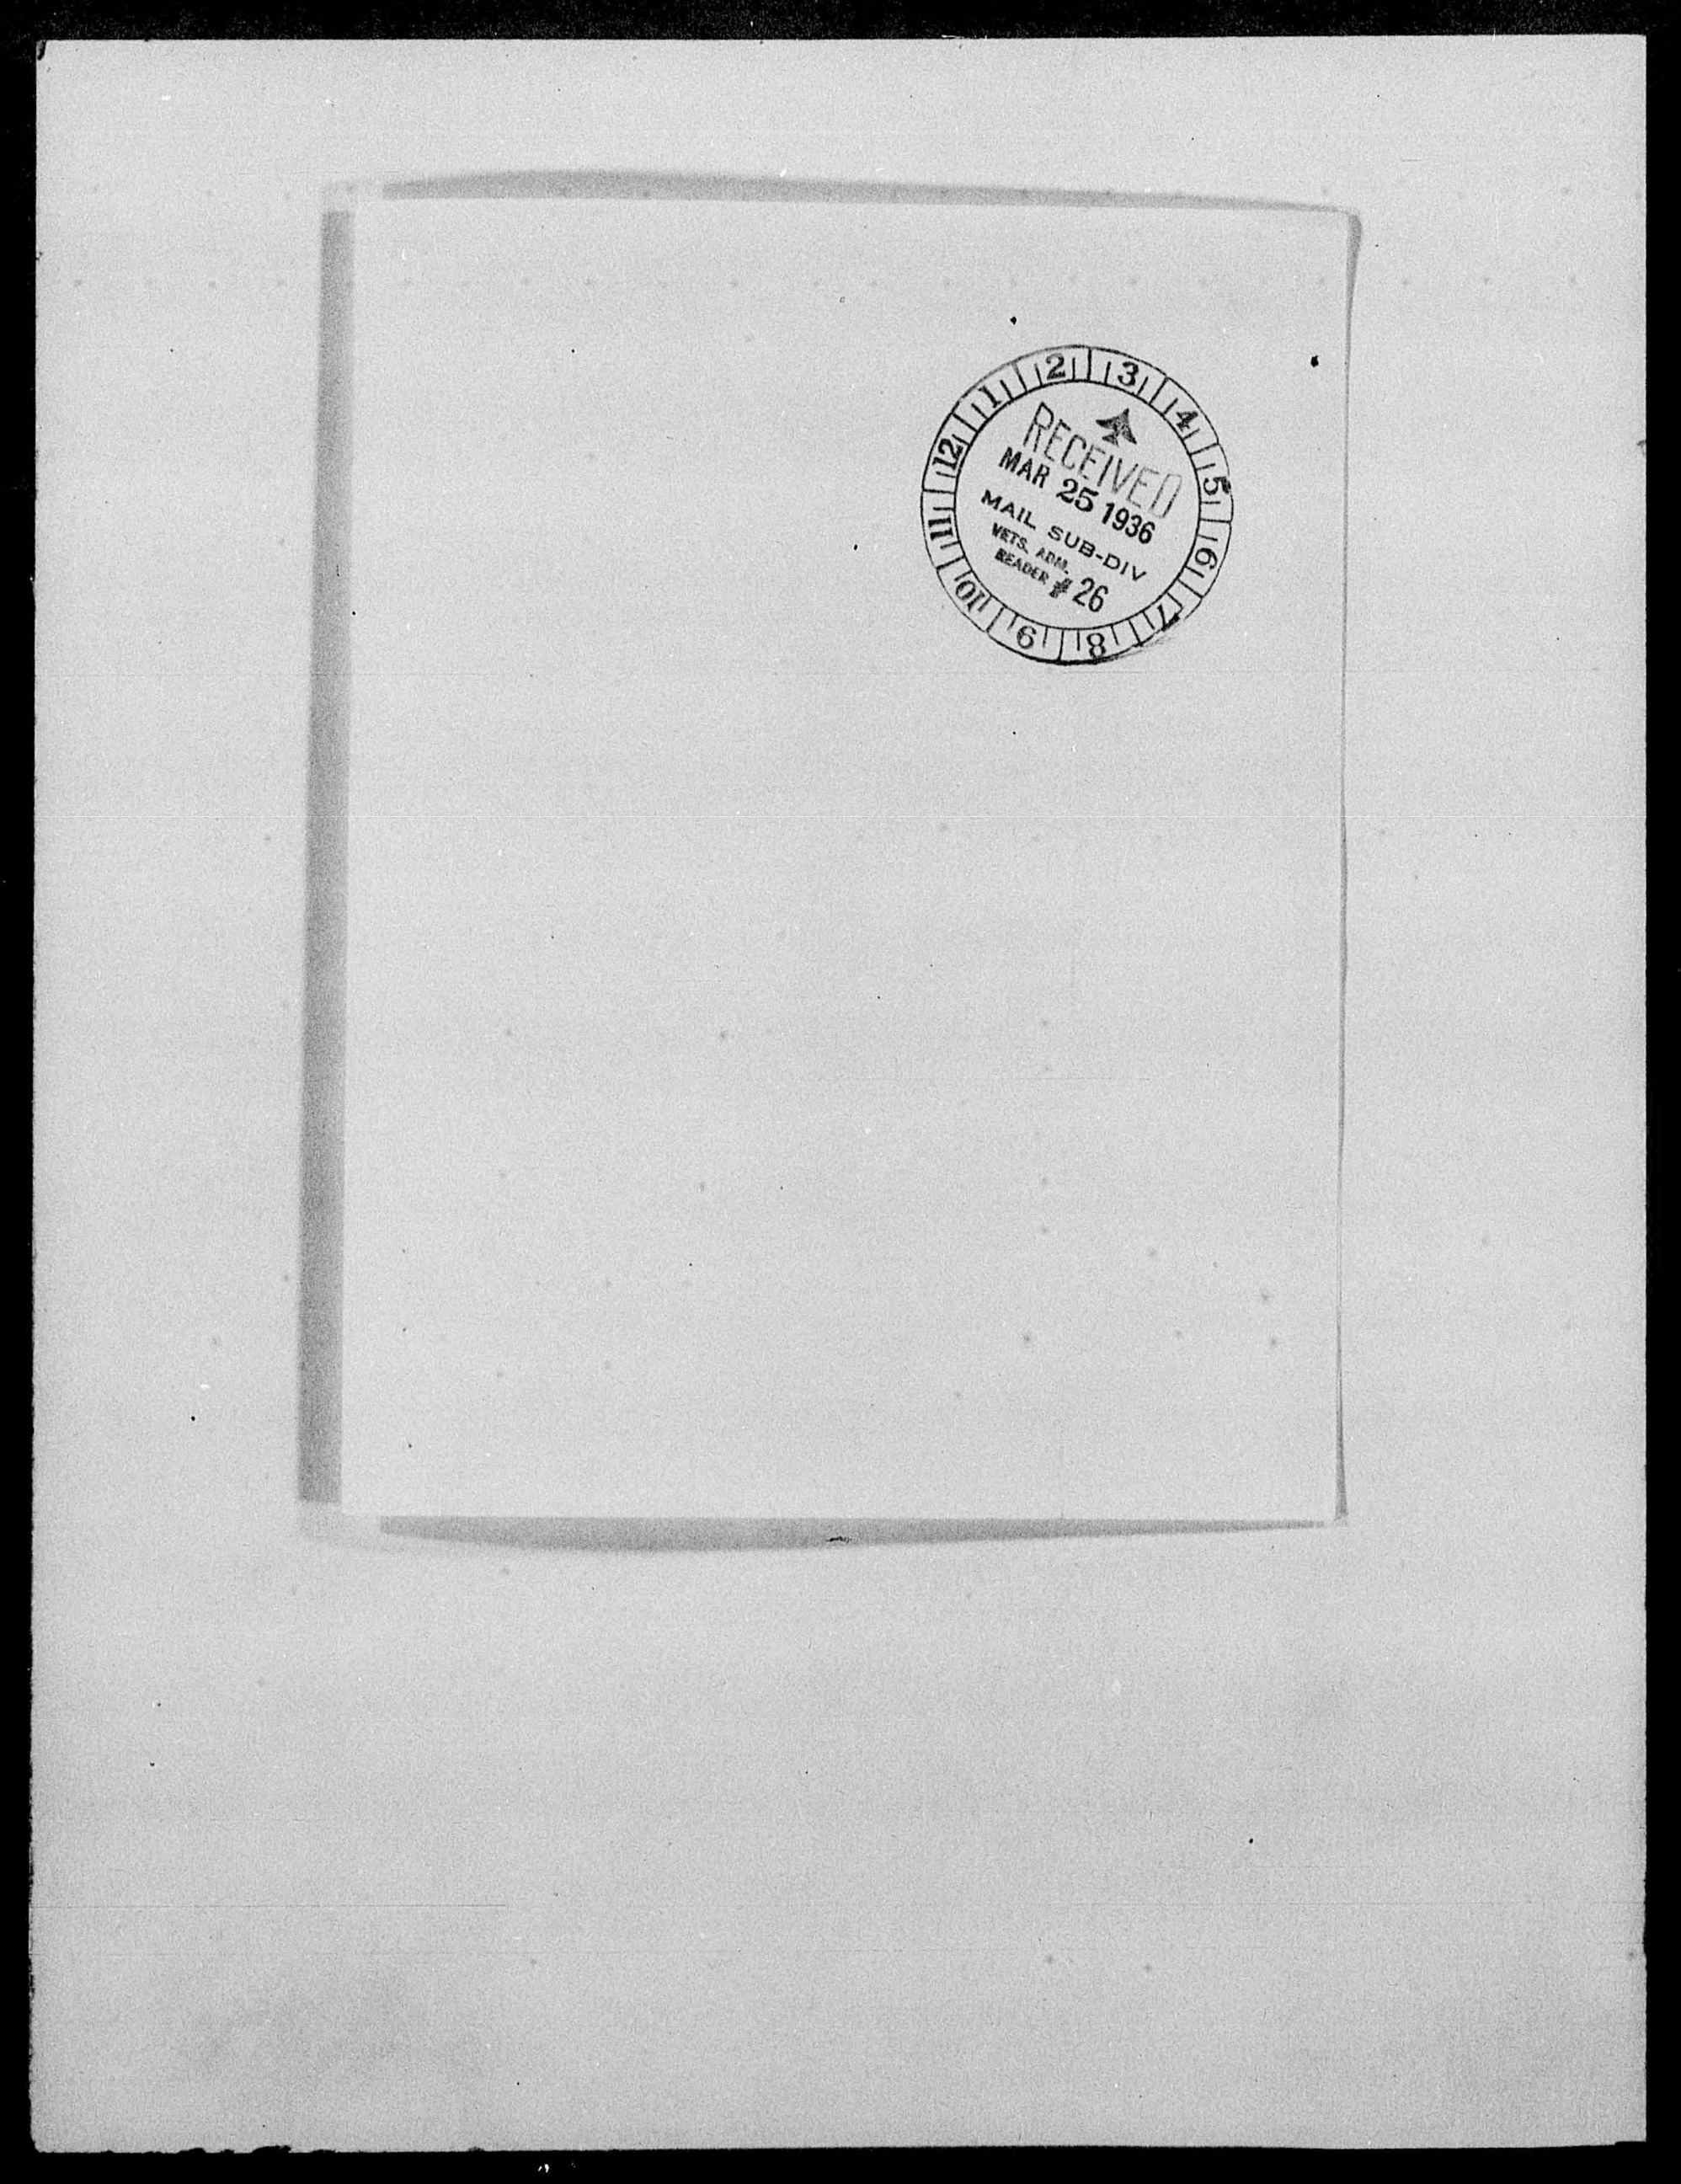[Postmark]
RECEIVED MAR 25 1936
MAIL SUB-DIV
VETS. ADM.
READER #26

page: 20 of 67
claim: widow's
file: W. 23183, Jesse Hardy, Mass.